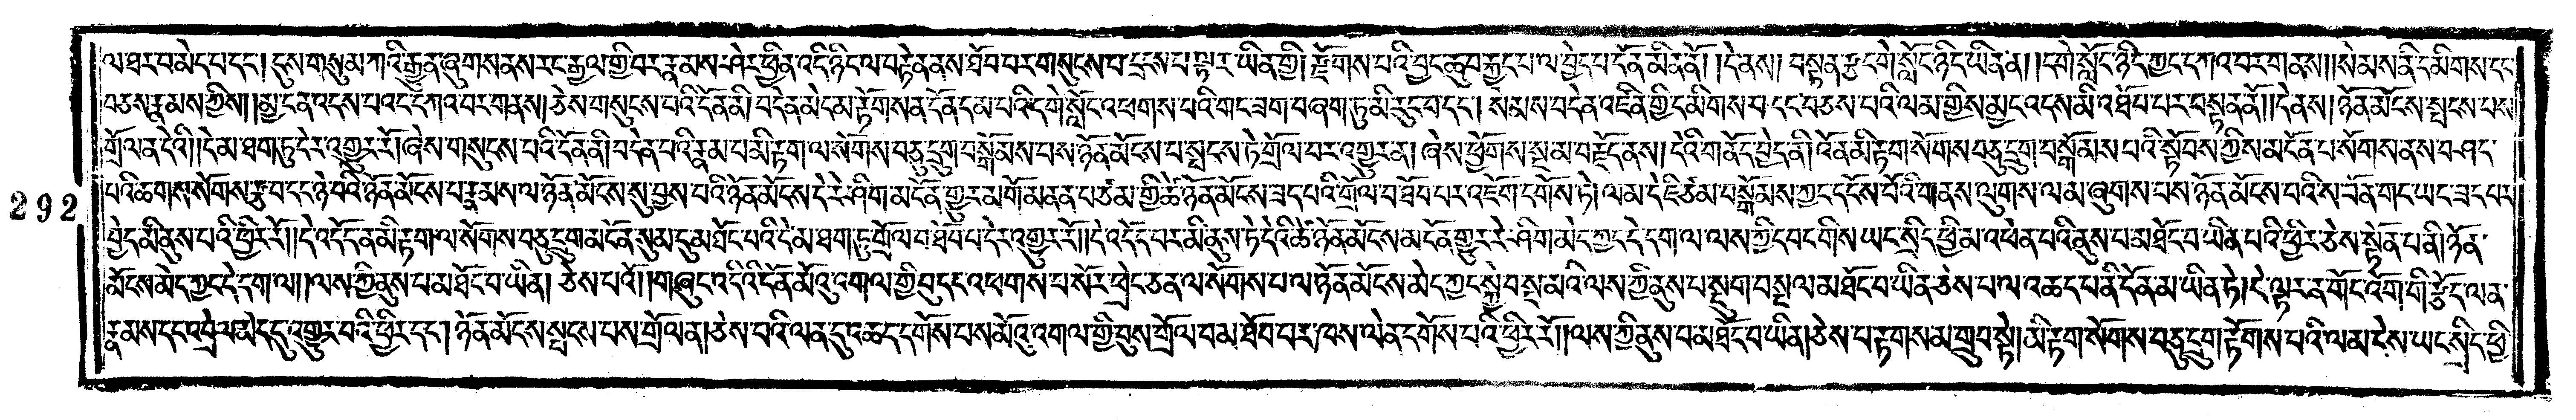ལ་ཐར་བ་མེད་པ་དང་། དུས་གསུམ་ཀའི་རྒྱུན་ཞུགས་ནས་རང་རྒྱལ་གྱི་བར་རྣམས་ཤེར་ཕྱིན་འདི་ཉིད་ལ་བརྟེན་ནས་ཐོབ་པར་གསུངས་པ་དྲངས་པ་ལྟར་ཡིན་གྱི། རྫོགས་པའི་བྱང་ཆུབ་རྐྱང་པ་ལ་བྱེད་པ་དོན་མིན་ནོ། །དེ་ནས། བསྟན་རྩ་དགེ་སློང་ཉིད་ཡིན་ན། །དགེ་སློང་ཉིད་ཀྱང་དཀའ་བར་གནས། །སེམས་ནི་དམིགས་དང་
བཅས་རྣམས་ཀྱིས། །མྱ་ངན་འདས་པའང་དཀའ་བར་གནས། ཅེས་གསུངས་པའི་དོན་ནི། བདེན་མེད་མ་རྟོགས་ན་དོན་དམ་པའི་དགེ་སློང་འཕགས་པའི་གང་ཟག་བཞག་ཏུ་མི་རུང་བ་དང་། སེམས་བདེན་འཛིན་གྱི་དམིགས་བ་དང་བཅས་པའི་ལམ་གྱིས་མྱང་འདས་མི་འཐོབ་པར་བསྟན་ནོ། །དེ་ནས། ཉོན་མོངས་སྤངས་པས་
གྲོལ་ན་དེའི། །དེ་མ་ཐག་ཏུ་དེར་འགྱུར་རོ། ཞེས་གསུངས་པའི་དོན་ནི། བདེན་པའི་རྣམ་པ་མི་རྟག་ལ་སོགས་བཅུ་དྲུག་བསྒོམས་པས་ཉོན་མོངས་པ་སྤངས་ཏེ་གྲོལ་བར་འགྱུར་ན། ཞེས་ཕྱོགས་སྔ་མ་བརྗོད་ནས། དེའི་གནོད་བྱེད་ནི། འོ་ན་མི་རྟག་སོགས་བཅུ་དྲུག་བསྒོམས་པའི་སྟོབས་ཀྱིས་མངོན་པ་སོགས་ནས་བཤད་
པའི་ཆགས་སོགས་རྩ་བ་དང་ཉེ་བའི་ཉོན་མོངས་པ་རྣམས་ལ་ཉོན་མོངས་སུ་བྱས་བའི་ཉོན་མོངས་དེ་རེ་ཤིག་མངོན་གྱུར་མགོ་མནན་པ་ཙམ་གྱི་ཚེ་ཉོན་མོངས་ཟད་པའི་གྲོལ་བ་ཐོབ་པར་འཇོག་དགོས་ཏེ། ལམ་དེ་ཇི་ཙམ་བསྒོམས་ཀྱང་དངོས་པོའི་གནས་ལུགས་ལམ་ཞུགས་པས་ཉོན་མོངས་བའི་ས་བོན་གང་ཡང་ཟད་པར་
བྱེད་མི་ནུས་པའི་ཕྱིར་རོ། །དེ་འདོད་ན་མི་རྟག་ལ་སོགས་བཅུ་དྲུག་མངོན་སུམ་དུ་མཐོང་པའི་དེ་མ་ཐག་ཏུ་གྲོལ་བ་ཐོབ་པ་དེར་འགྱུར་རོ། །དེ་འདོད་བར་མི་ནུས་ཏེ་དེའི་ཚེ་ཉོན་མོངས་མངོན་གྱུར་རེ་ཤིག་མེད་ཀྱང་དེ་དག་ལ་ལས་ཀྱི་དབང་གིས་ཡང་སྲིད་ཕྱི་མ་འཕེན་པའི་ནུས་པ་མཐོང་བ་ཡིན་པའི་ཕྱིར་ཅེས་སྟོན་པ་ནི། ཉོན་
མོངས་མེད་ཀྱང་དེ་དག་ལ། །ལས་ཀྱི་ནུས་པ་མཐོང་བ་ཡིན། ཅེས་པའོ། །གཞུང་འདིའི་དོན་མོའུ་འགལ་གྱི་བུ་དང་འཕགས་པ་སོར་ཕྲེང་ཅན་ལ་སོགས་པ་ལ་ཉོན་མོངས་མེད་ཀྱང་སྐྱེ་བ་སྔ་མའི་ལས་ཀྱི་ནུས་པ་སྡུག་བསྔལ་མཐོང་བ་ཡིན་ཅེས་པ་ལ་འཆད་པ་ནི་དོན་མ་ཡིན་ཏེ། དེ་ལྟར་ན་གོང་འོག་གི་རྩོད་ལན་
རྣམས་དང་འབྲེལ་མེད་དུ་འགྱུར་བའི་ཕྱིར་དང་། ཉོན་མོངས་སྤངས་པས་གྲོལ་ན། ཅེས་བའི་ལན་དུ་འཆད་དགོས་པས་མོའུ་འགལ་གྱི་བུས་གྲོལ་བ་མ་ཐོབ་པར་ཁས་ལེན་དགོས་པའི་ཕྱིར་རོ། །ལས་ཀྱི་ནུས་བ་མཐོང་བ་ཡིན། ཅེས་པ་རྟགས་མ་གྲུབ་སྟེ། མི་རྟག་སོགས་བཅུ་དྲུག་རྟོགས་བའི་ལམ་དེས་ཡང་སྲིད་ཕྱི་